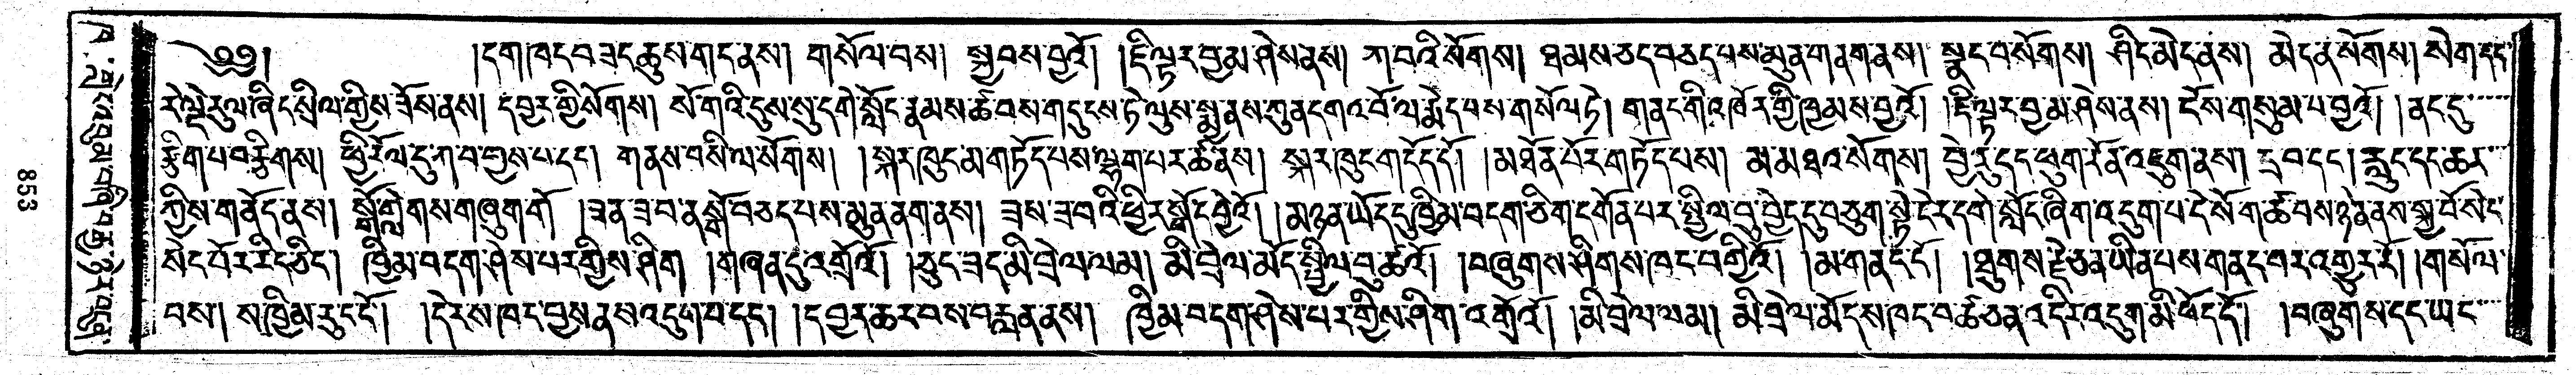༄༅། །དག་ཁང་བཟང་ཆུས་གད་ནས། གསོལ་བས། སྐྱབས་བྱའོ། །ཇི་ལྟར་བྱ་མ་ཤེས་ནས། ཀ་བའི་སོགས། ཐམས་ཅད་བཅད་པས་མུན་གནག་ནས། སྣང་བ་སོགས། ཤིང་མེད་ནས། མེད་ན་སོགས། སེག་དང་
རེ་ལྡེ་རུལ་ཞིང་སྲིལ་གྱིས་ཟོས་ནས། དབྱར་གྱི་སོགས། སོ་གའི་དུས་སུ་དགེ་སློང་རྣམས་ཚ་བས་གདུངས་ཏེ་ལུས་སྨྱ་ནས་ཀུན་དགའ་བོ་ལ་རྨེད་པས་གསོལ་ཏེ། གནང་གི་འཁོར་གྱི་ཁྱམས་བྱའོ། །ཇི་ལྟར་བྱ་མ་ཤེས་ནས། ངོས་གསུམ་པ་བྱའོ། །ནང་དུ་
རྩིག་པ་བརྩིགས། ཕྱི་རོལ་དུ་ཀ་བ་བྱས་པ་དང་། གནས་བསི་ལ་སོགས། །སྐར་ཁུང་མ་གཏོད་པས་ལྷག་པར་ཚ་ནས། སྐར་ཁུང་གདོད་དོ། །མཐོན་པོར་གཏོད་པས། མ་མཐའ་སོགས། བྱེ་རུ་དང་ཕུག་རོན་འཇུག་ནས། དྲ་བ་དང་། རླུང་དང་ཆར་
ཀྱིས་གནོད་ནས། སྒོ་གླེགས་གཞུག་གོ །ཟན་ཟ་བ་ན་སྒོ་བཅད་པས་མུན་ནག་ནས། ཟས་ཟ་བའི་ཕྱིར་སྒོ་དབྱེའོ། །མཉན་ཡོད་དུ་ཁྱིམ་བདག་ཅིག་དགོན་པར་སྤྱིལ་བུ་བྱེད་དུ་བཅུག་སྟེ་དེར་དགེ་སློང་ཞིག་འདུག་པ་དེ་སོ་ག་ཚ་བས་ཉེན་ནས་སྐྱ་བོ་སེང་
སེང་པོར་རིད་ཅིང་། ཁྱིམ་བདག་ཤེས་པར་གྱིས་ཤིག །གཞན་དུ་འགྲོའོ། །ཅུང་ཟད་མི་བྲེལ་ལམ། མི་བྲེལ་མོད་སྤྱིལ་བུ་ཚའོ། །བཞུགས་ཤིགས་ཁང་བགྱིའོ། །མ་གནང་ངོ། །ཐུགས་རྗེ་ཅན་ཡིན་པས་གནང་བར་འགྱུར་རོ། །གསོལ་
བས། ས་ཁྱིམ་རུ་ང་ངོ། །དེར་ས་ཁང་བྱས་ནས་འདུག་པ་དང་། །དབྱར་ཆར་བས་བརླན་ནས། ཁྱིམ་བདག་ཤེས་པར་གྱིས་ཤིག་འགྲོའོ། །མི་བྲེལ་ལམ། མི་བྲེལ་མོད་ས་ཁང་བ་ཚ་ཅན་འདིར་འདུག་མི་ཕོད་དོ། །བཞུགས་དང་ཡང་